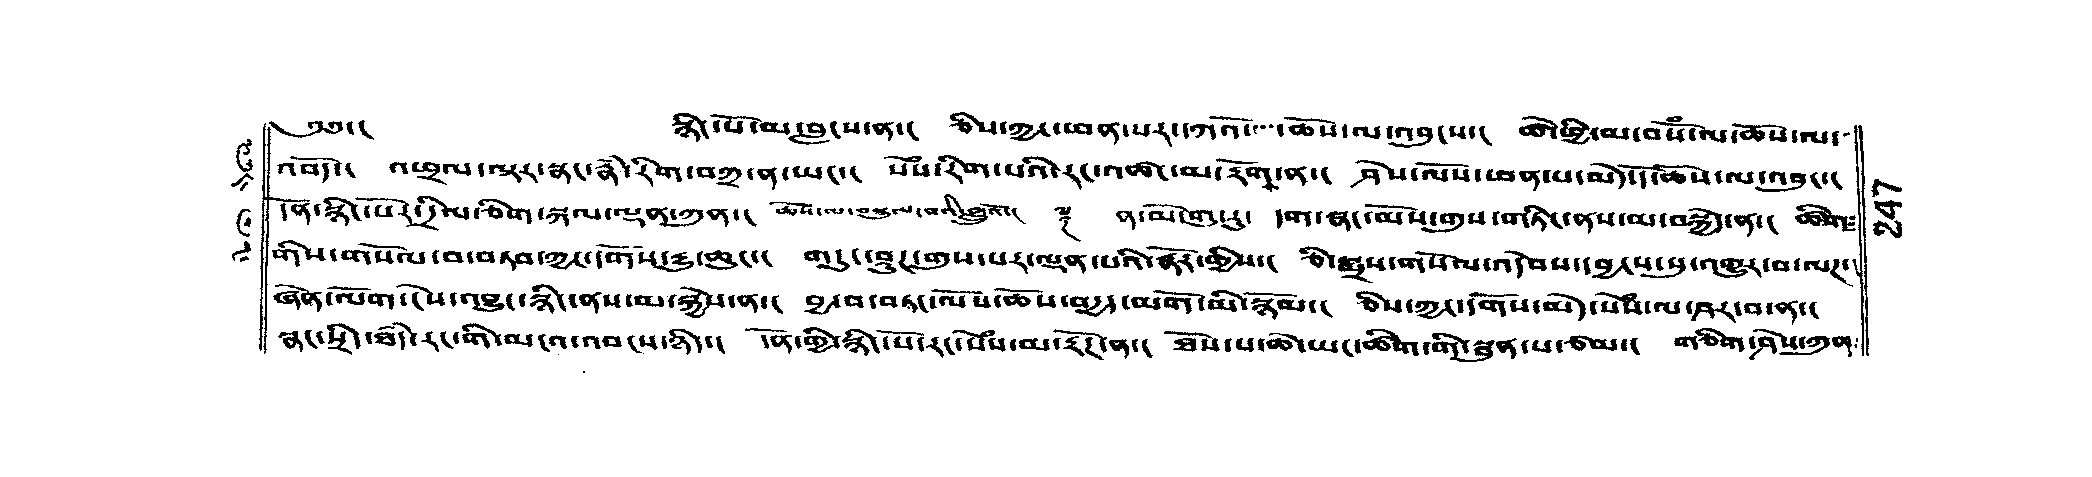སྙིང་པོ་མ་བླངས་ན། །ཅིས་ཀྱང་ཕན་པར་དཀའ་ཆོས་ལ་འབུངས། །ཚེ་ཕྱི་མ་སོམས་ལ་ཆོས་ལ་
འབོད། །འཕྲལ་ལྟར་སྣང་རྣམ་རིག་བཀྲ་ན་ཡང་། །སེམས་རིག་པའི་རང་མཚང་མ་རྟོགས་ན། །ཤེས་ལོས་ཕན་པ་མེད་དོ་ཆོས་ལ་འབུངས། །
དོན་སྙིང་པོར་དྲིལ་ཅིག་སྐན་ལྡན་ཀུན།། ཆོས་ལ་བསྐུལ་བའི་གླུའོ།། ༈ ན་མོ་གུ་རུ། དག་སྣང་མོས་གུས་གཏིང་ནས་མ་བསྐྱེད་ན། །ཚིག་
གིས་གསོལ་བ་བཏབ་ཀྱང་དགོས་རྒྱུ་ཆུང་། །གདུང་ཤུགས་གུས་པ་ལྡན་པའི་རྣལ་འབྱོར་གྱིས། །ཅི་སྨྲས་གསོལ་འདེབས་དབྱངས་སུ་འགྱུར་བ་ལགས། །
ཞེན་ལོག་ངེས་འབྱུང་སྙིང་ནས་མ་སྐྱེས་ན། །བྱ་བ་བཏང་ལོས་ཆོས་བརྒྱད་མགོ་མི་སྙོམ། །ཅིས་ཀྱང་དགོས་མེད་སེམས་ལ་ཤར་བ་ན། །
སྣང་སྲིད་ཐམས་ཅད་རང་གི་མངའ་འབངས་ཉིད། །དོན་གྱི་སྙིང་པོ་རང་སེམས་མ་རྟོགས་ན། །ཐོས་པ་ཆེ་ཡང་ཚིག་གི་སྦུན་པ་ཙམ། །གཅིག་ཤེས་ཀུན་